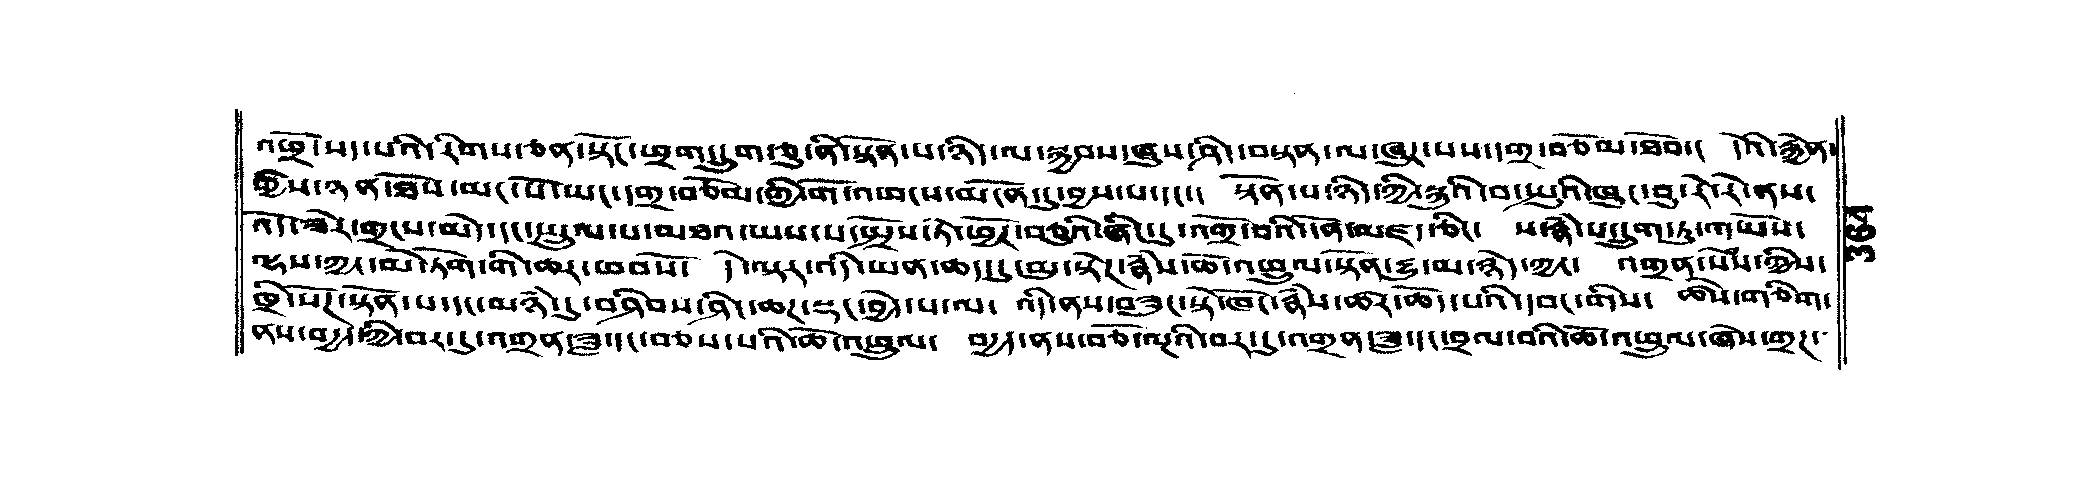འཕྲོ་སད་པའི་རིགས་ཅན་སྟོང་ཕྲག་དྲུག་ཅུ་ནི་སྟོན་པ་ཉིད་ལ་སྐྱབས་ཞུས་ཤིང་བསྟན་ལ་ཞུགས་པས་དགྲ་བཅོམ་ཐོབ། དེའི་རྐྱེན་
གྱི་ཉན་ཐོས་མང་པོ་ཡང་དགྲ་བཅོམ་གྱི་གོ་འཕང་མངོན་དུ་བྱས་པ་དང་། སྟོན་པ་ཉིད་ཀྱི་སྐུའི་བ་སྤུའི་ཁུང་བུ་རེ་རེ་ནས་
འོད་ཟེར་གྲངས་མེད་དང་སྤྲུལ་པ་མཐའ་ཡས་པ་སྤྲོས་ཏེ་ཕྱོགས་བཅུའི་ཞིང་དུ་འགྲོ་བའི་དོན་མཛད་ཅིང་། ས་རྣམ་པ་དྲུག་ཏུ་གཡོས། 
ལྷས་ཀྱང་མེ་ཏོག་གི་ཆར་ཕབས་སོ། དེ་ལྟར་འདི་ཡན་ཆད་དུ་མུ་སྟེགས་རྣམས་ཆོ་འཕྲུལ་སྟོན་རྒྱུ་མ་རྙེད་ཀྱང་། འགྲན་སེམས་ཀྱིས་
ཁྲི་སོགས་སྟོན་པ་དང་མཉམ་དུ་བཤིབས་ཤིང་ཆགས་སྡང་བྱེད་པ་ལ། འདི་ནས་བཟུང་སྟེ་ཁོང་རྣམས་ཚར་ཆོད་པའི་དབང་གིས། ཚེས་གཅིག་
ནས་བརྒྱད་ཀྱི་བར་དུ་འགྲན་ཟླ་དང་བཅས་པའི་ཆོ་འཕྲུལ། བརྒྱད་ནས་བཅོ་ལྔའི་བར་དུ་འགྲན་ཟླ་དང་བྲལ་བའི་ཆོ་འཕྲུལ་ཞེས་གྲགས་